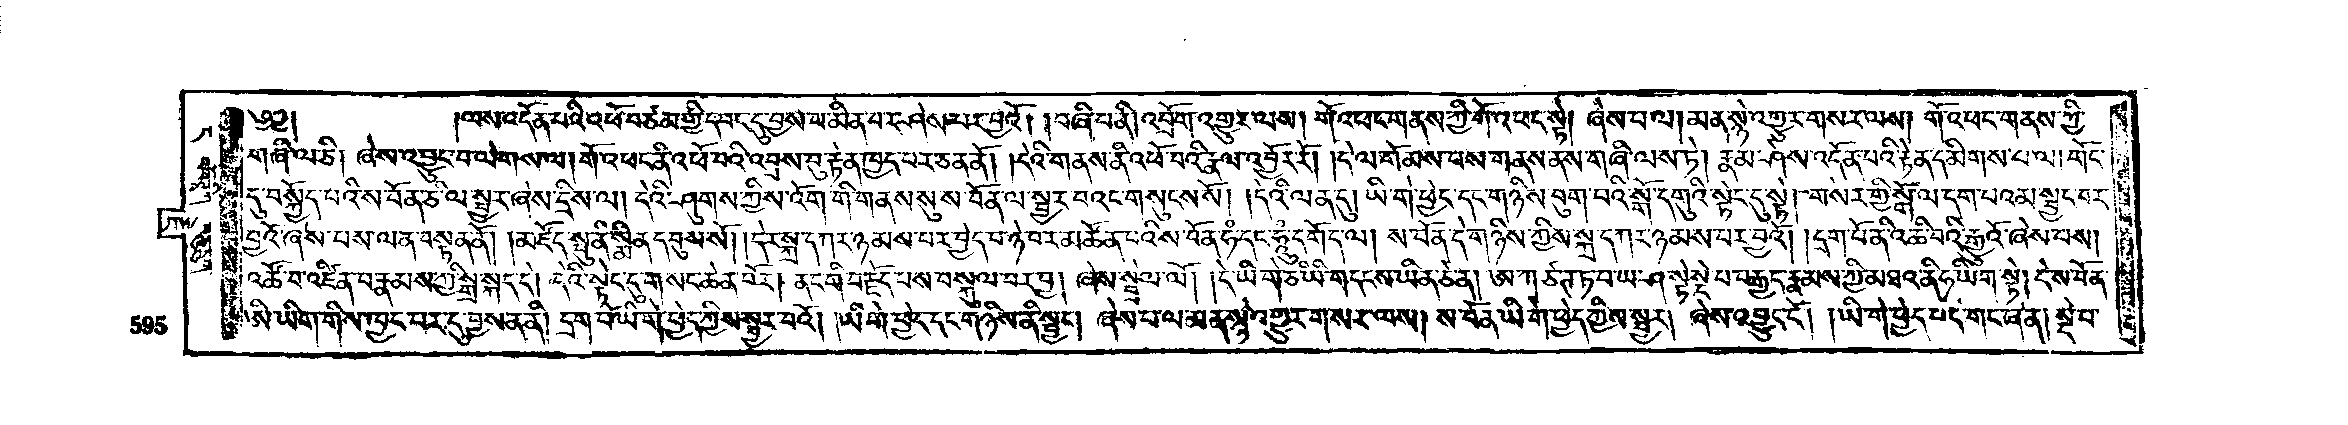༄༅། །ལས་འདོན་པའི་འཕོ་བ་ཙམ་གྱི་དབང་དུ་བྱས་པ་མིན་པར་ཤེས་པར་བྱའོ། །བཞི་པ་ནི། འབྲོག་འགྱུར་ལས། གོ་འཕང་གནས་ཀྱི་གོ་འཕང་སྟེ། ཞེས་པ་ལ། མན་སྙེ་འགྱུར་གསར་ལས། གོ་འཕང་གནས་ཀྱི་
གཞི་ལ་ཅི། ཞེས་འབྱུང་བ་ལེགས་ལ། གོ་འཕང་ནི་འཕོ་བའི་འབྲས་བུ་རྟེན་ཁྱད་པར་ཅན་ནོ། །དེའི་གནས་ནི་འཕོ་བའི་རྣལ་འབྱོར་རོ། །དེ་ལ་གོམས་པས་གནས་ནས་གཞི་ལས་ཏེ། རྣམ་ཤེས་འདོན་པའི་རྟེན་དམིགས་པ་ལ། གོང་
དུ་བསྐྱོད་པའི་ས་བོན་ཅི་ལ་སྦྱར་ཞེས་དྲིས་ལ། དེའི་ཤུགས་ཀྱིས་འོག་གི་གནས་སུ་ས་བོན་ལ་སྦྱར་བའང་གསུངས་སོ། །དེའི་ལན་དུ། ཡི་གེ་ཕྱེད་དང་གཉིས་བུག་པའི་སྒོ་དགུའི་སྟེང་དུ་སྟེ། གསེར་གྱི་སྒོ་ལ་དག་པའམ་སྦྱར་བར་
བྱའོ་ཞེས་པས་ལན་བསྟན་ནོ། །མཛོད་སྤུ་ནི་སྨིན་དབུས་སོ། །དེར་སྐྲ་དཀར་ཉམས་པར་བྱེད་པ་ཉེ་བར་མཚོན་པའི་ས་བོན་ཧཾ་དང་ཧཱུཾ་དགོད་ལ། ས་བོན་དེ་གཉིས་ཀྱིས་སྐྲ་དཀར་ཉམས་པར་བྱའོ། །དྲག་པོ་ནི་འཆི་བའི་རྒྱུའོ་ཞེས་པས།
འཚོ་བ་འཛིན་པ་རྣམས་ཀྱི་སྒྲ་སྐད་དེ། དེའི་སྟེང་དུ་གསང་ཆེན་པོར། ནང་གི་བརྗོད་པས་བསྐུལ་བར་བྱ། ཞེས་སྦྲེལ་ལོ། །དེ་ཡི་གེ་ཅི་ཡི་གདངས་ཡིན་ཅེ་ན། ཨ་ཀ་ཙ་ཊ་ཏ་བ་ཡ་ཤ་སྟེ་སྡེ་པ་བརྒྱད་རྣམས་ཀྱི་མཐའ་ནི་ཧ་ཡིག་སྟེ། དེ་ས་བོན་
ཨི་ཡིག་གིས་ཁྱད་པར་དུ་བྱས་ན་ནི། དྲག་པོ་ཡི་གེ་ཕྱེད་ཀྱིས་སྦྱར་བའོ། །ཡི་གེ་ཕྱེད་དང་གཉིས་ནི་སྦྱང་། ཞེས་པ་ལ་མན་སྙེ་འགྱུར་གསར་ལས། ས་བོན་ཡི་གེ་ཕྱེད་ཀྱིས་སྦྱར། ཞེས་འབྱུང་ངོ། །ཡི་གེ་ཕྱེད་པ་དེ་གང་ཞེ་ན། སྡེ་པ་